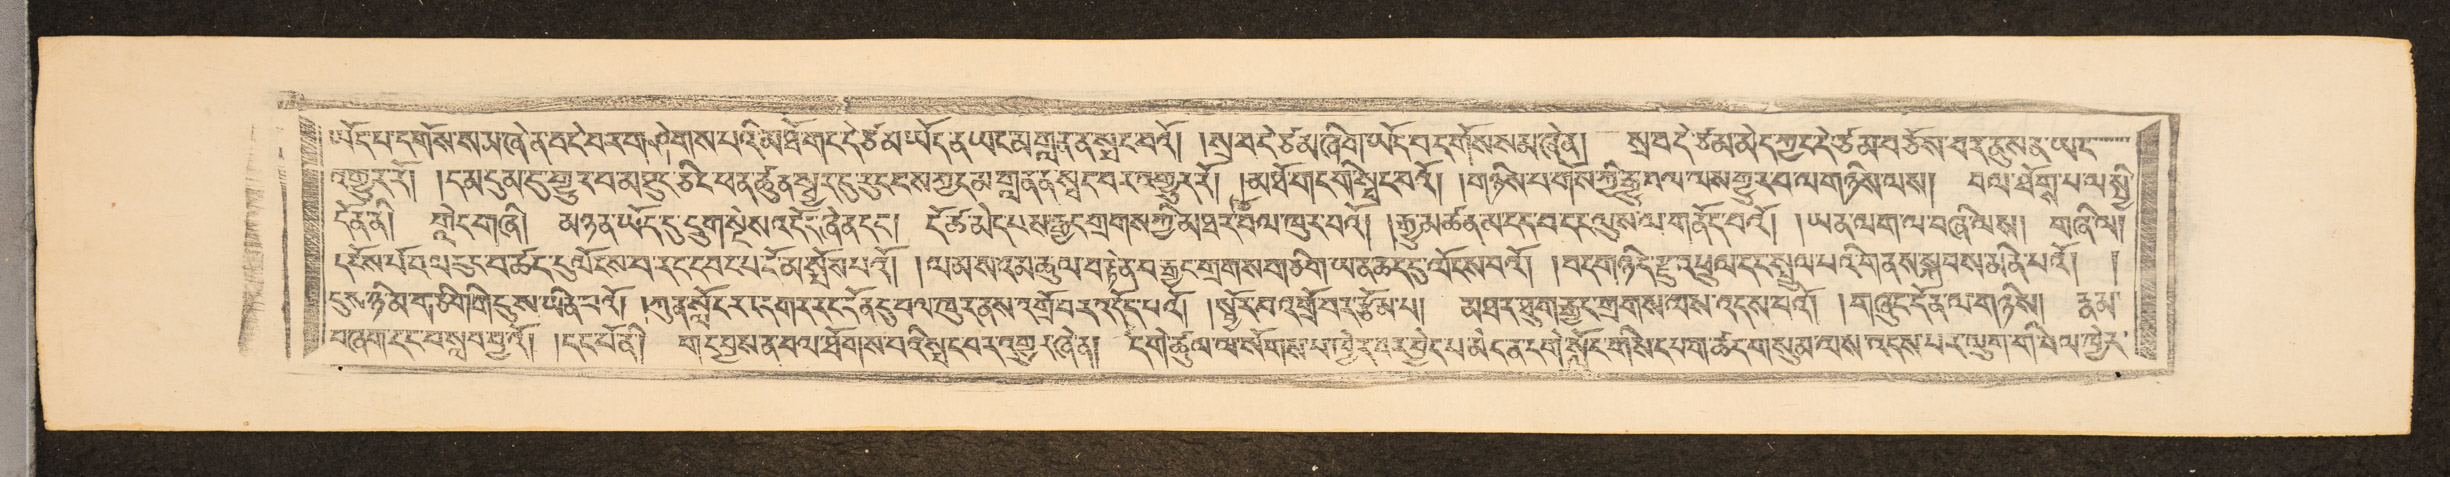ཡོད་པ་དགོས་སམ་ཞེ་ན་བདེ་བར་གཤེགས་པའི་མཐོ་གང་དེ་ཙམ་ཡོད་ན་ཡང་མ་གླན་ན་སྤང་པའོ། །སྲ་བ་དེ་ཙམ་ཞིག་ཡོད་པ་དགོས་སམ་ཞེ་ན། སྲ་བ་དེ་ཙམ་མེད་ཀྱང་དེ་ཙམ་བཅོས་པར་ནུས་ན་ཡང་
འགྱུར་རོ། །དམ་དུམ་དུ་གྱུར་པ་མཐུད་ཅིད་ཕན་ཚུན་སྦྱར་དུ་རུང་བས་ཀྱང་མ་གླན་ན་སྤང་པར་འགྱུར་རོ། །མཐོ་གང་གི་སྤང་པའོ། །གཉིས་པ་གོས་ཀྱི་རྒྱུ་བ་ལས་གྱུར་བ་ལ་གཉིས་ལས། བལ་ཐོགས་པ་ལ་སྤྱི་
དོན་ནི། གླེང་གཞི། མཉན་ཡོད་དུ་དྲུག་སྡེས་འདོད་ཞེན་དང་། དོ་ཚ་མེད་པས་རྒྱང་གྲགས་ཀྱི་མཐར་བལ་ཁུར་བའོ། །རྒྱུ་མཚན་མ་དད་པ་དང་ལུས་ལ་གནོད་པའོ། །ཡན་ལག་ལ་བཞི་ལས། གཞི་ལ།
དངོས་པོ་བལ་རུང་བ་ཚང་དུ་ལོངས་པ་རང་དབང་བ་ངོ་མ་སྤོས་པའོ། །ལམ་སའམ་ཆུ་ལ་བརྟེན་པ་རྒྱང་གྲགས་གཅིག་ཡན་ཆད་དུ་ལོངས་པའོ། །བདག་ཉིད་རྫུ་འཕྲུལ་དང་སྤྲུལ་པའི་གནས་སྐབས་མིན་པའོ། །
དུས་ཉི་མ་གཅིག་གི་དུས་ཡིན་པའོ། །ཀུས་སློང་རང་དགར་རང་དོན་དུ་བལ་ཁུར་ནས་འགྲོ་བར་འདོད་པའོ། །སྦྱོར་བ་འགྲོ་བར་རྩོམ་པ། མཐར་ཐུག་རྒྱང་གྲགས་ལས་འདས་པའོ། །གཞུང་དོན་ལ་གཉིས། རྣམ་
བཞག་དང་བསླ་བ་བྱའོ། །དང་པོ་ནི། གང་བྱས་ན་བལ་ཐོགས་པའི་སྤང་བར་འགྱུར་ཞེ་ན། དགེ་ཚུལ་ལ་སོགས་པ་ཁྱེར་བར་བྱེད་པ་མེད་ན་དགེ་སློང་གིས་དཔག་ཚད་གསུམ་ལས་འདས་པར་ལུག་གི་བལ་ཁྱེར་